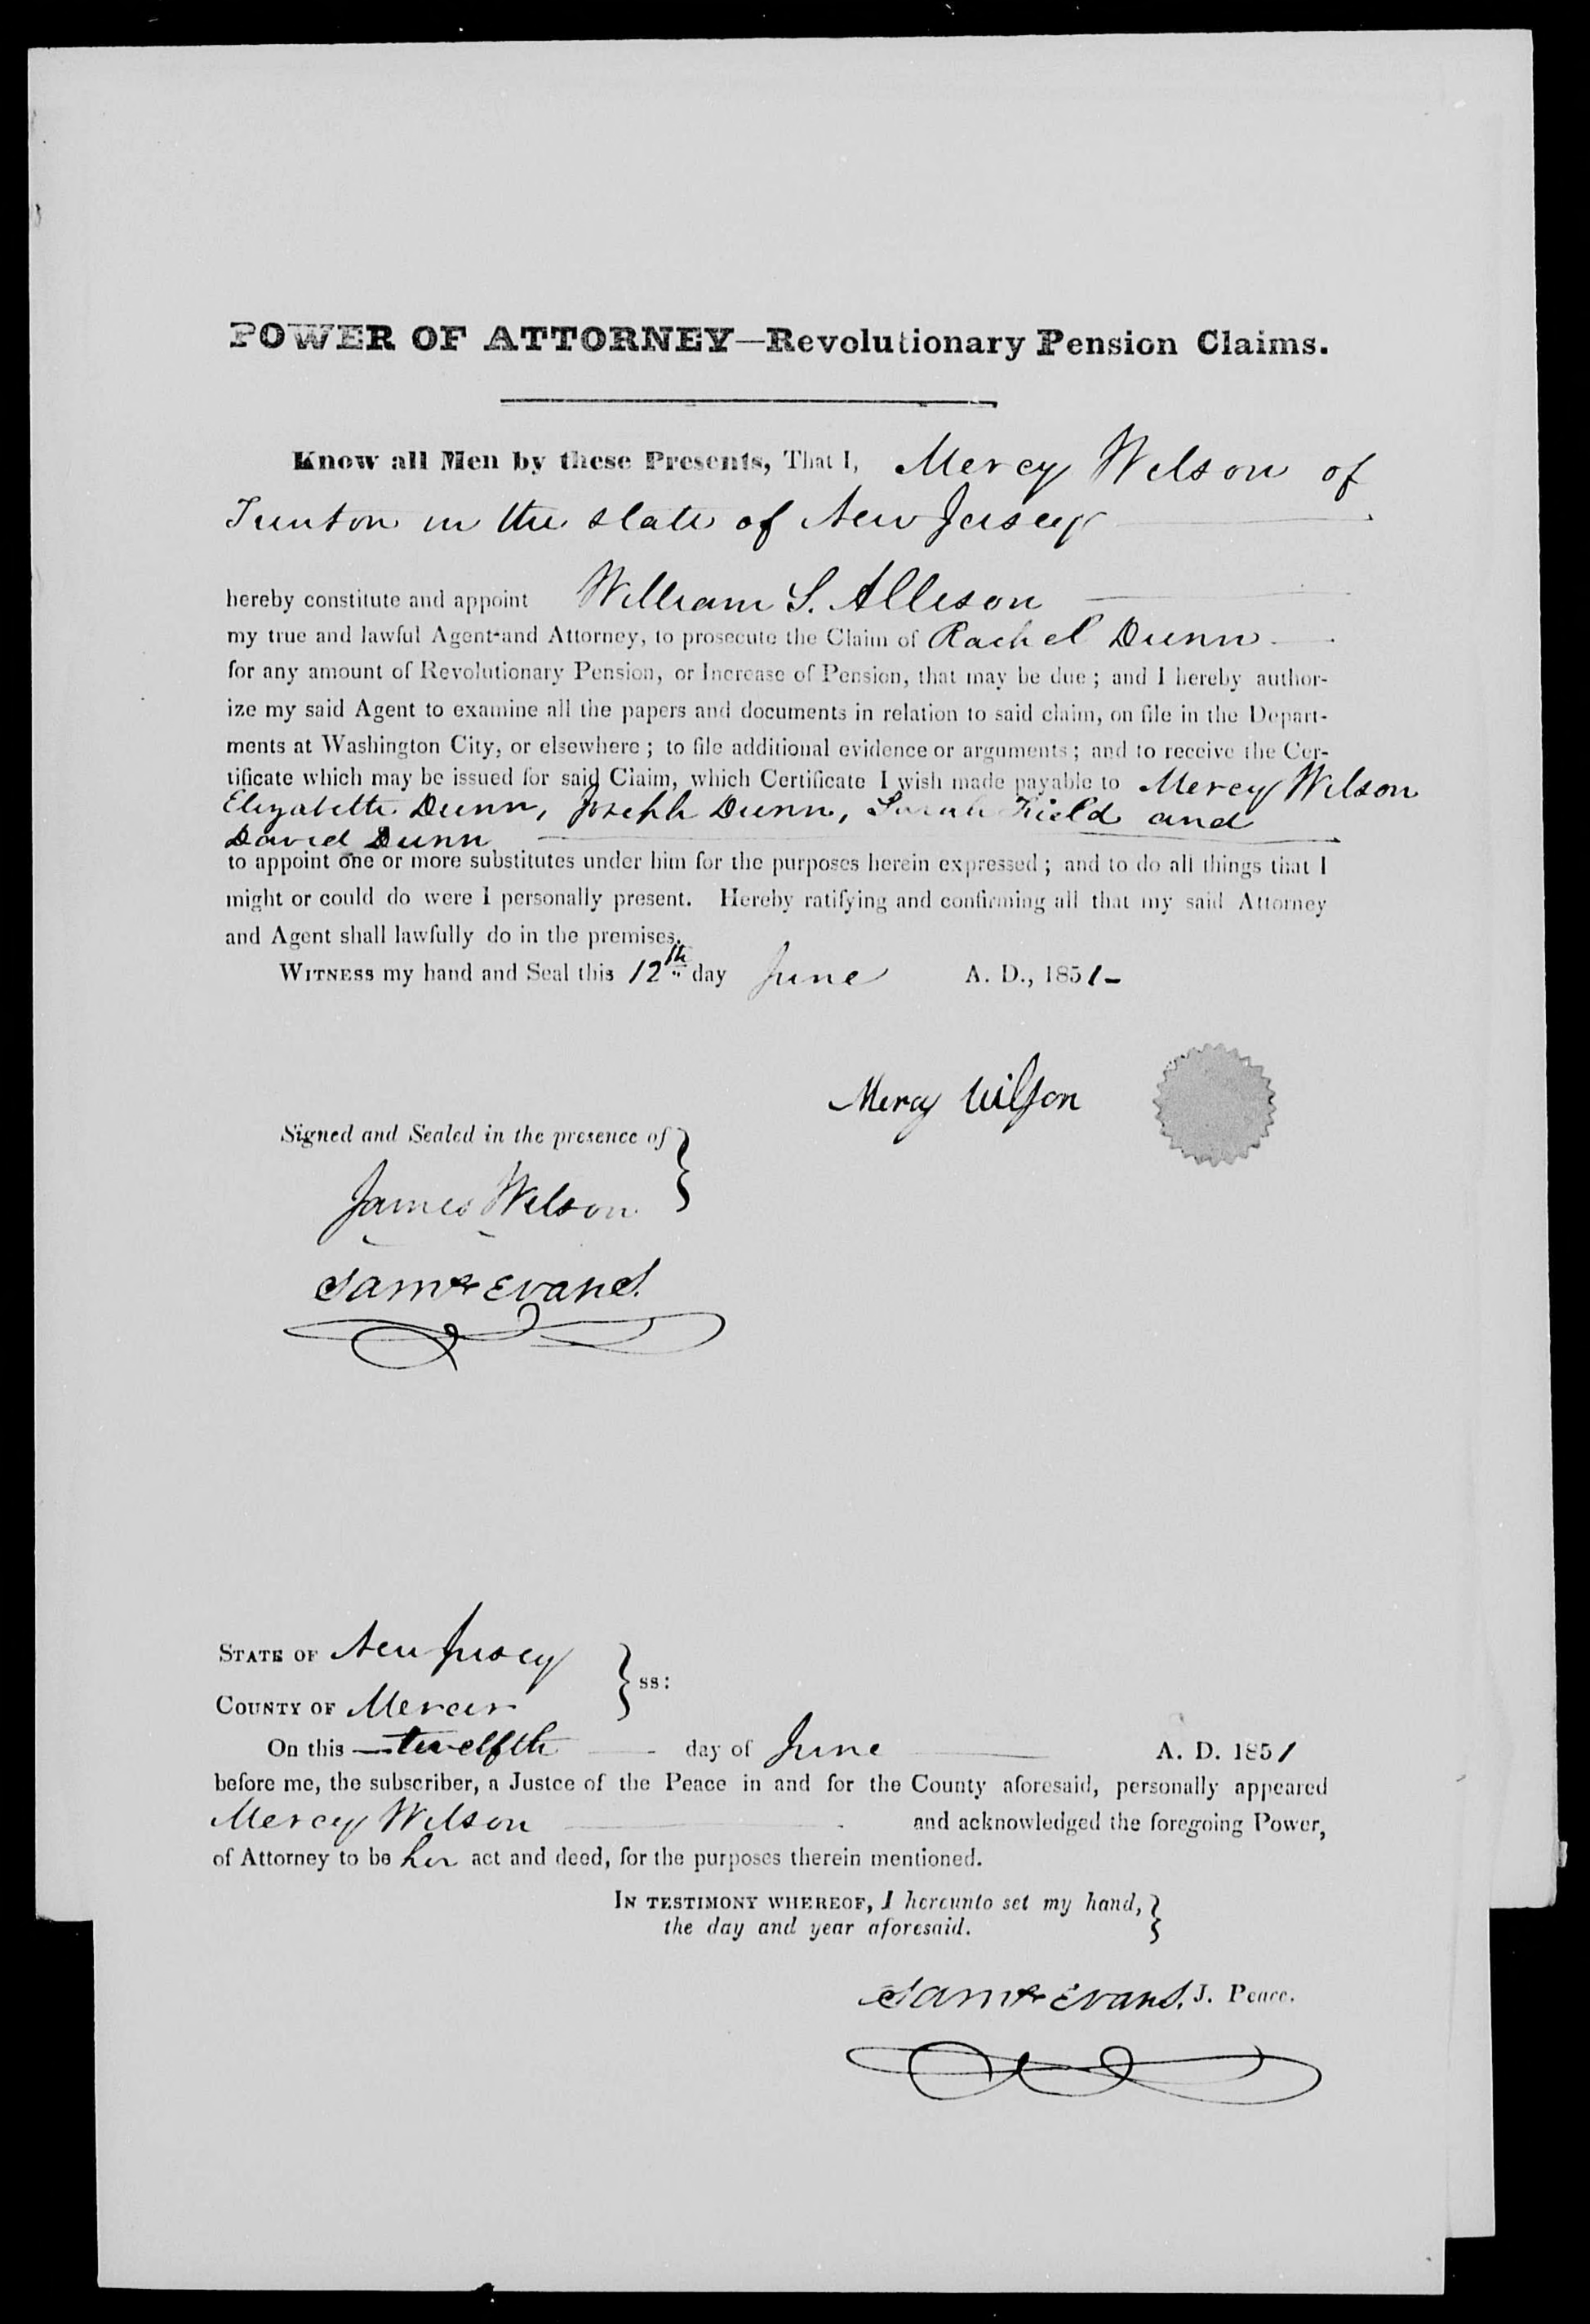POWER OF ATTORNEY - Revolutionary Pension Claims.
Know all Men by these Presents, That I, Mercy Wilson of
Trenton in the State of New Jersey
hereby constitute and appoint William S. Allison
my true and lawful Agent and Attorney, to prosecute the Claim of Rachel Dunn
for any amount of Revolutionary Pension, or increase of Pension, that may be due; and I hereby authorize
my said Agent to examine all the papers and documents in relation to said claim, on file in the Departments
at Washington City, or elsewhere; to file additional
evidence or arguments; and to receive the Certificate
which may be issued for said Claim, which Certificate I wish made payable to Mercy Wilson
Elizabeth Dunn, Joseph Dunn, Sarah Field and
David Dunn
to appoint one or more substitutes under him for the purposes herein expressed; and to do all things that I
might or could do were I personally present. Hereby ratifying and confirming all that my said Attorney
and Agent shall lawfully do in the premises.
WITNESS my hand and Seal this 12th day June A. D., 1851-
Mercy Wilson
Signed and Sealed in the presence of
James Wilson
⎬
Sam Evans
STATE OF New Jersey}
COUNTY OF Mercer} SS:
On this twelfth
day of June
A. D. 1851
before me, the subscriber, a Justice of the Peace in and for the County aforesaid, personally appeared
Mercy Wilson
and acknowledged the foregoing Power,
of Attorney to be her act and deed, for the purposes therein mentioned.
IN TESTIMONY WHEREOF, I hereunto set my hand}
the day and year aforesaid.}
Sam Evans, J. Peace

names: Sarah Field, James Wilson, Rachel Dunn, Mercy Wilson, Mercy Wilson, David Dunn, Saml Evans, William S Allison, Elizabeth Dunn, Mercy Wilson, Saml Evans, Mercy Wilson, Joseph Dunn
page: 20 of 52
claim: widow's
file: W. 919, Joel Dunn, New Jersey